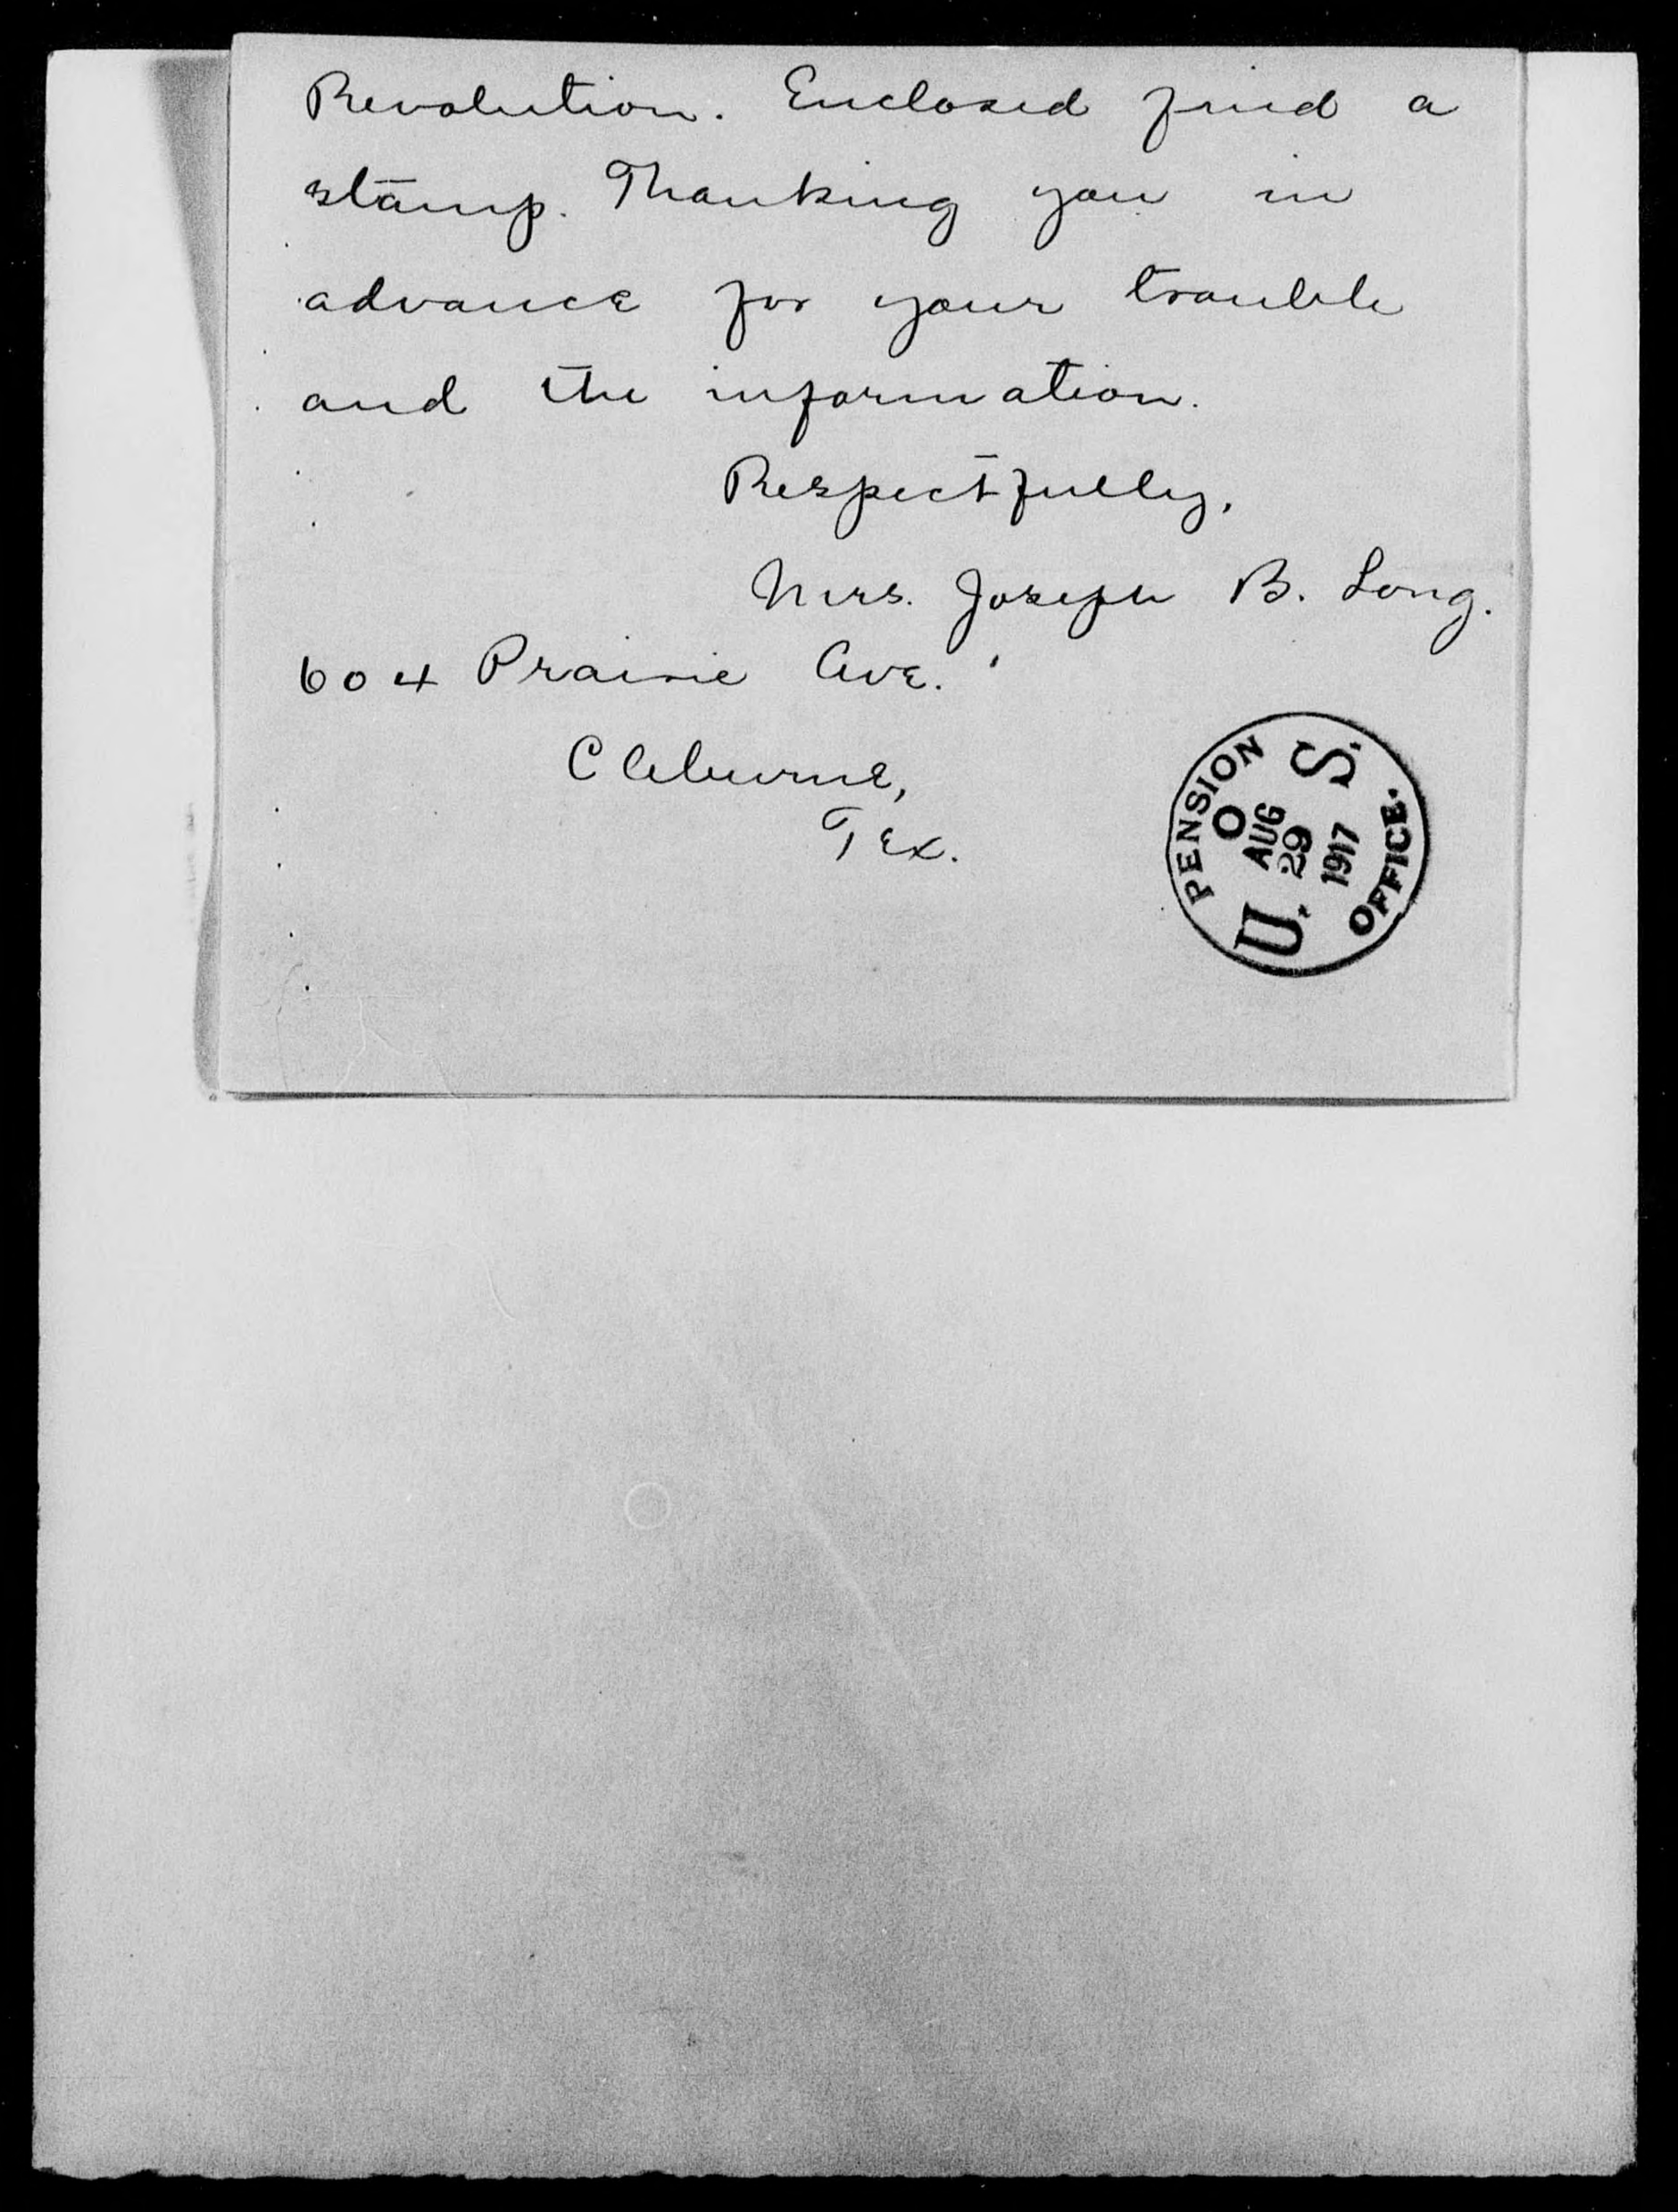Revolution. Enclosed find a
stamp. Thanking you advance for your trouble and the information
Respectfully,
Mrs. Joseph B. Long
604 Prairie Ave
Cleburne
Tex
[stamp]
US PENSION OFFICE AUG 29 1917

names: Joseph B Long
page: 48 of 85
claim: widow's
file: W. 5,906, John Brown, S.C.